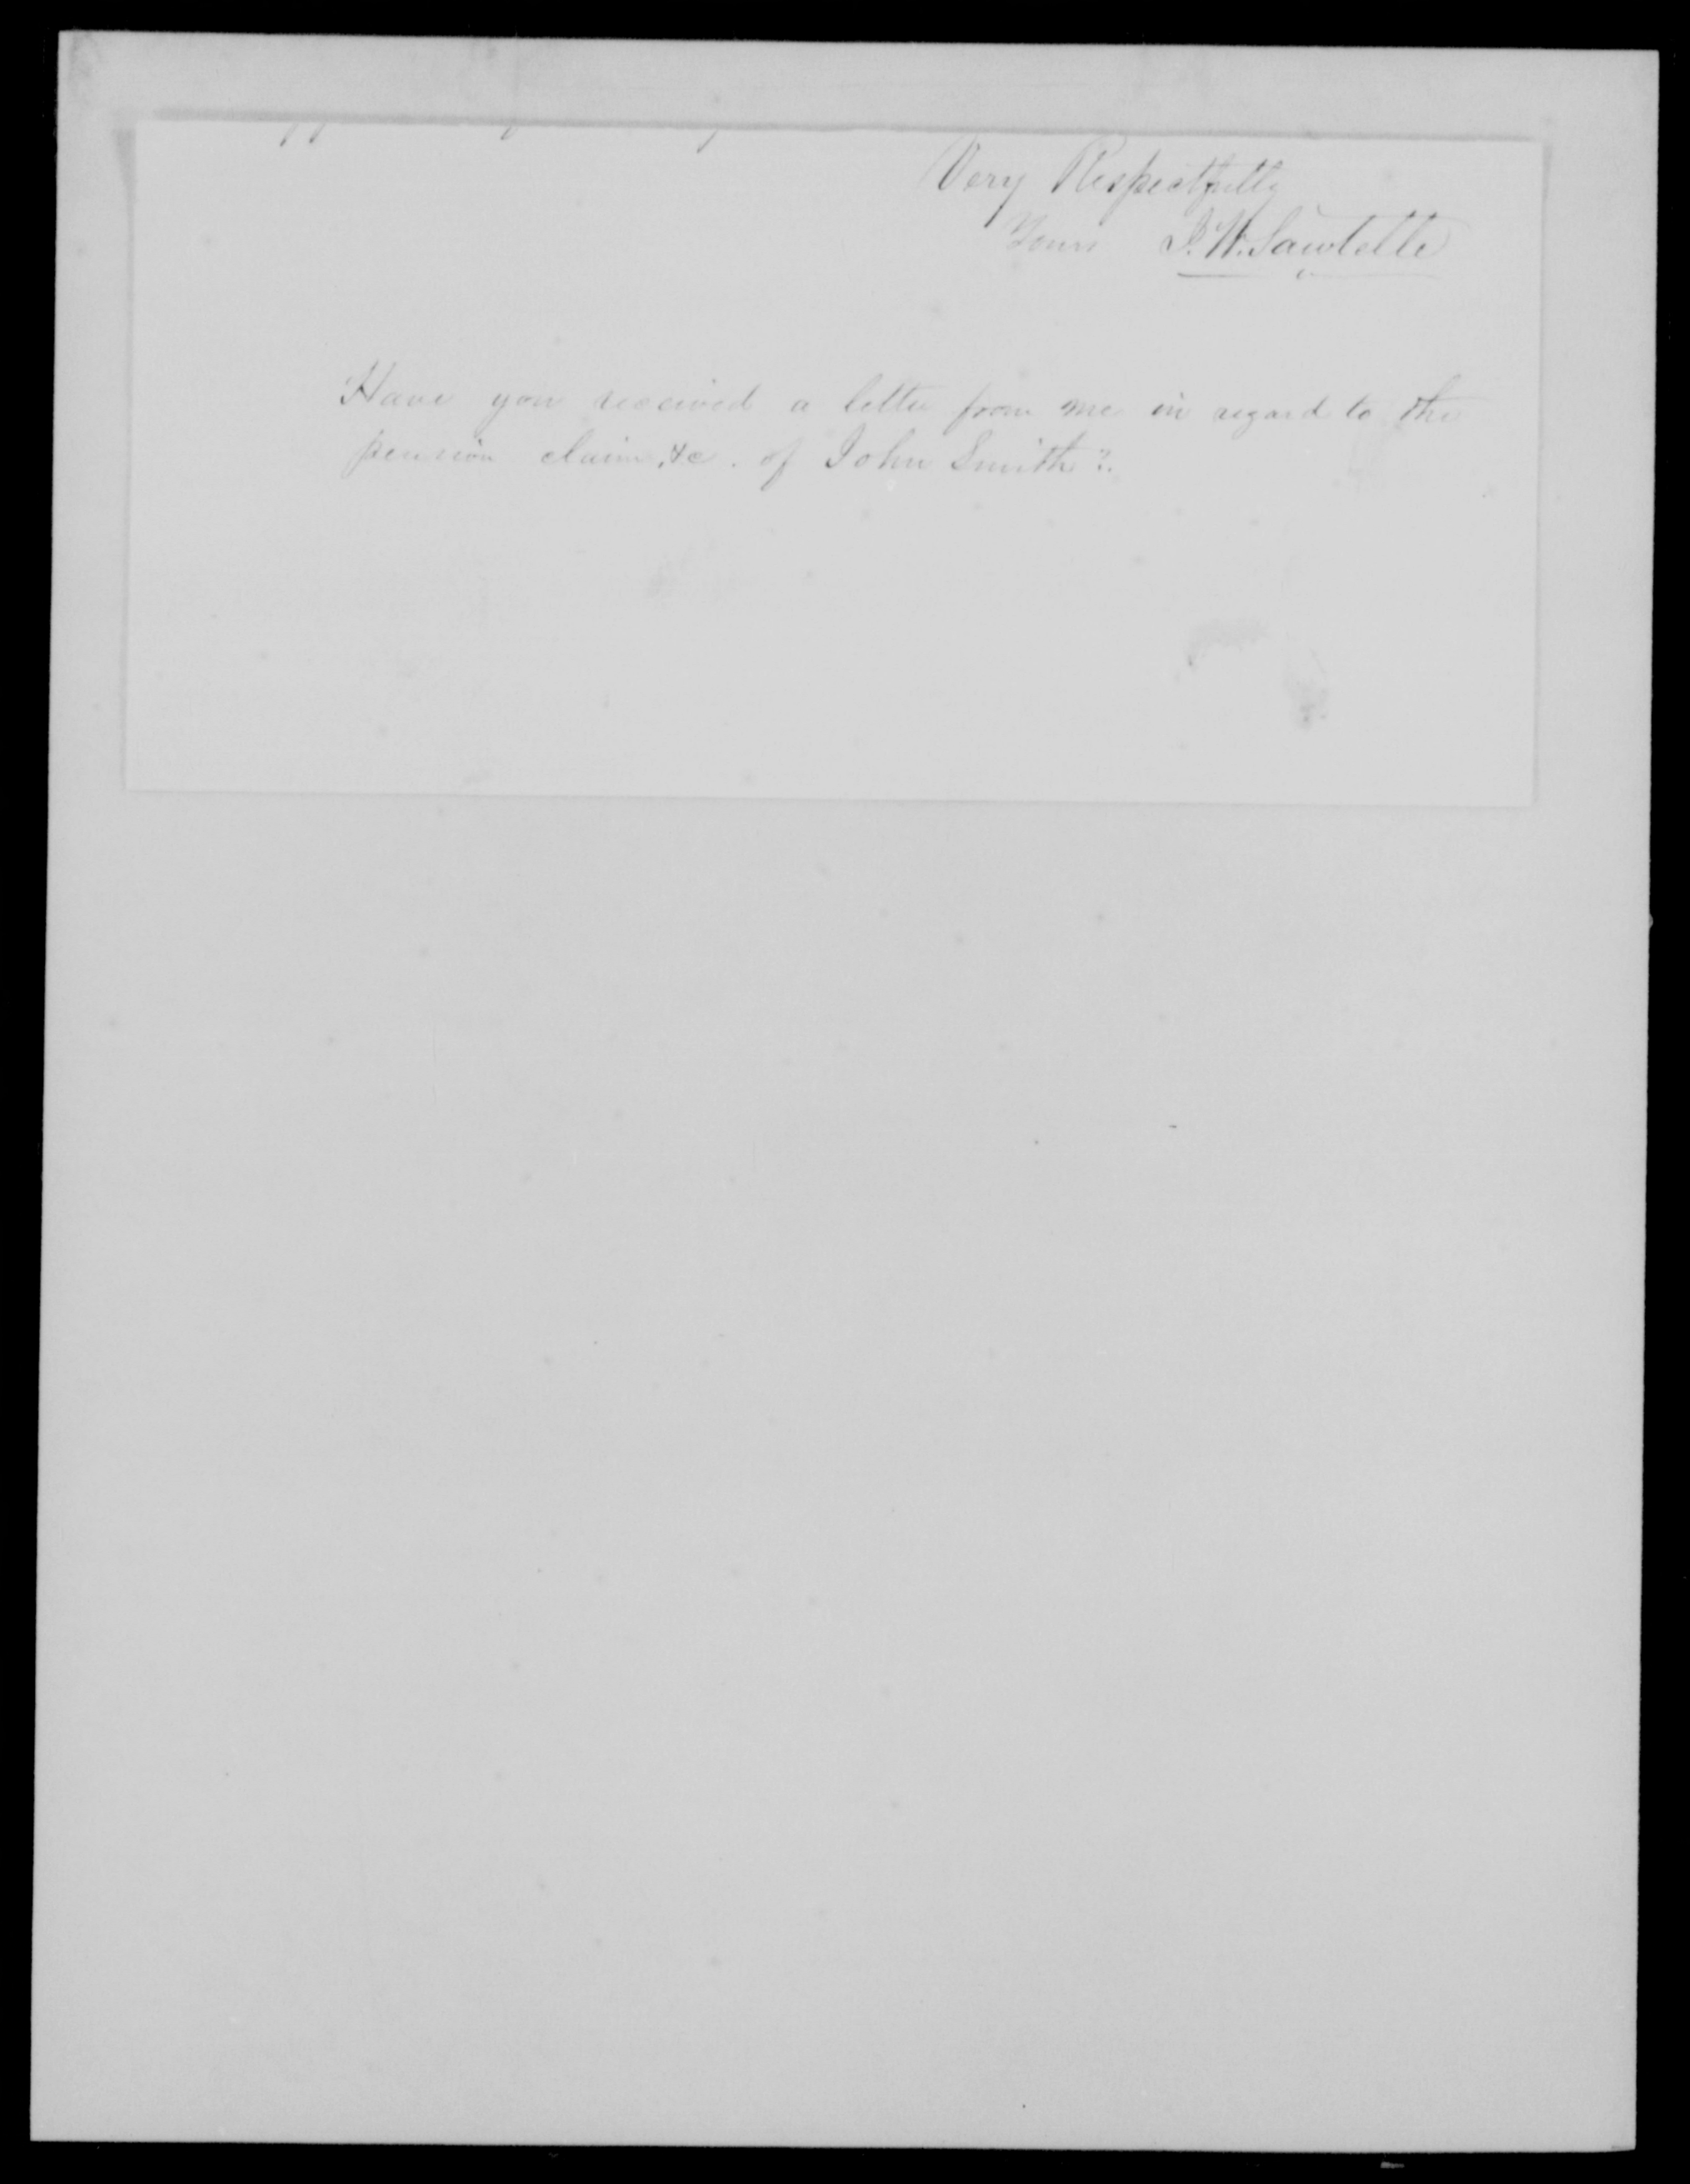Very Respectfully
Your
J. W. Sawtelle

Have you received a letter from me in regard to the
pension claim, &c. of John Smith?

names: J W Sawtelle, John Smith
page: 79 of 100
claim: widow's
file: W. 6437, Richard Wells, Ga Va.